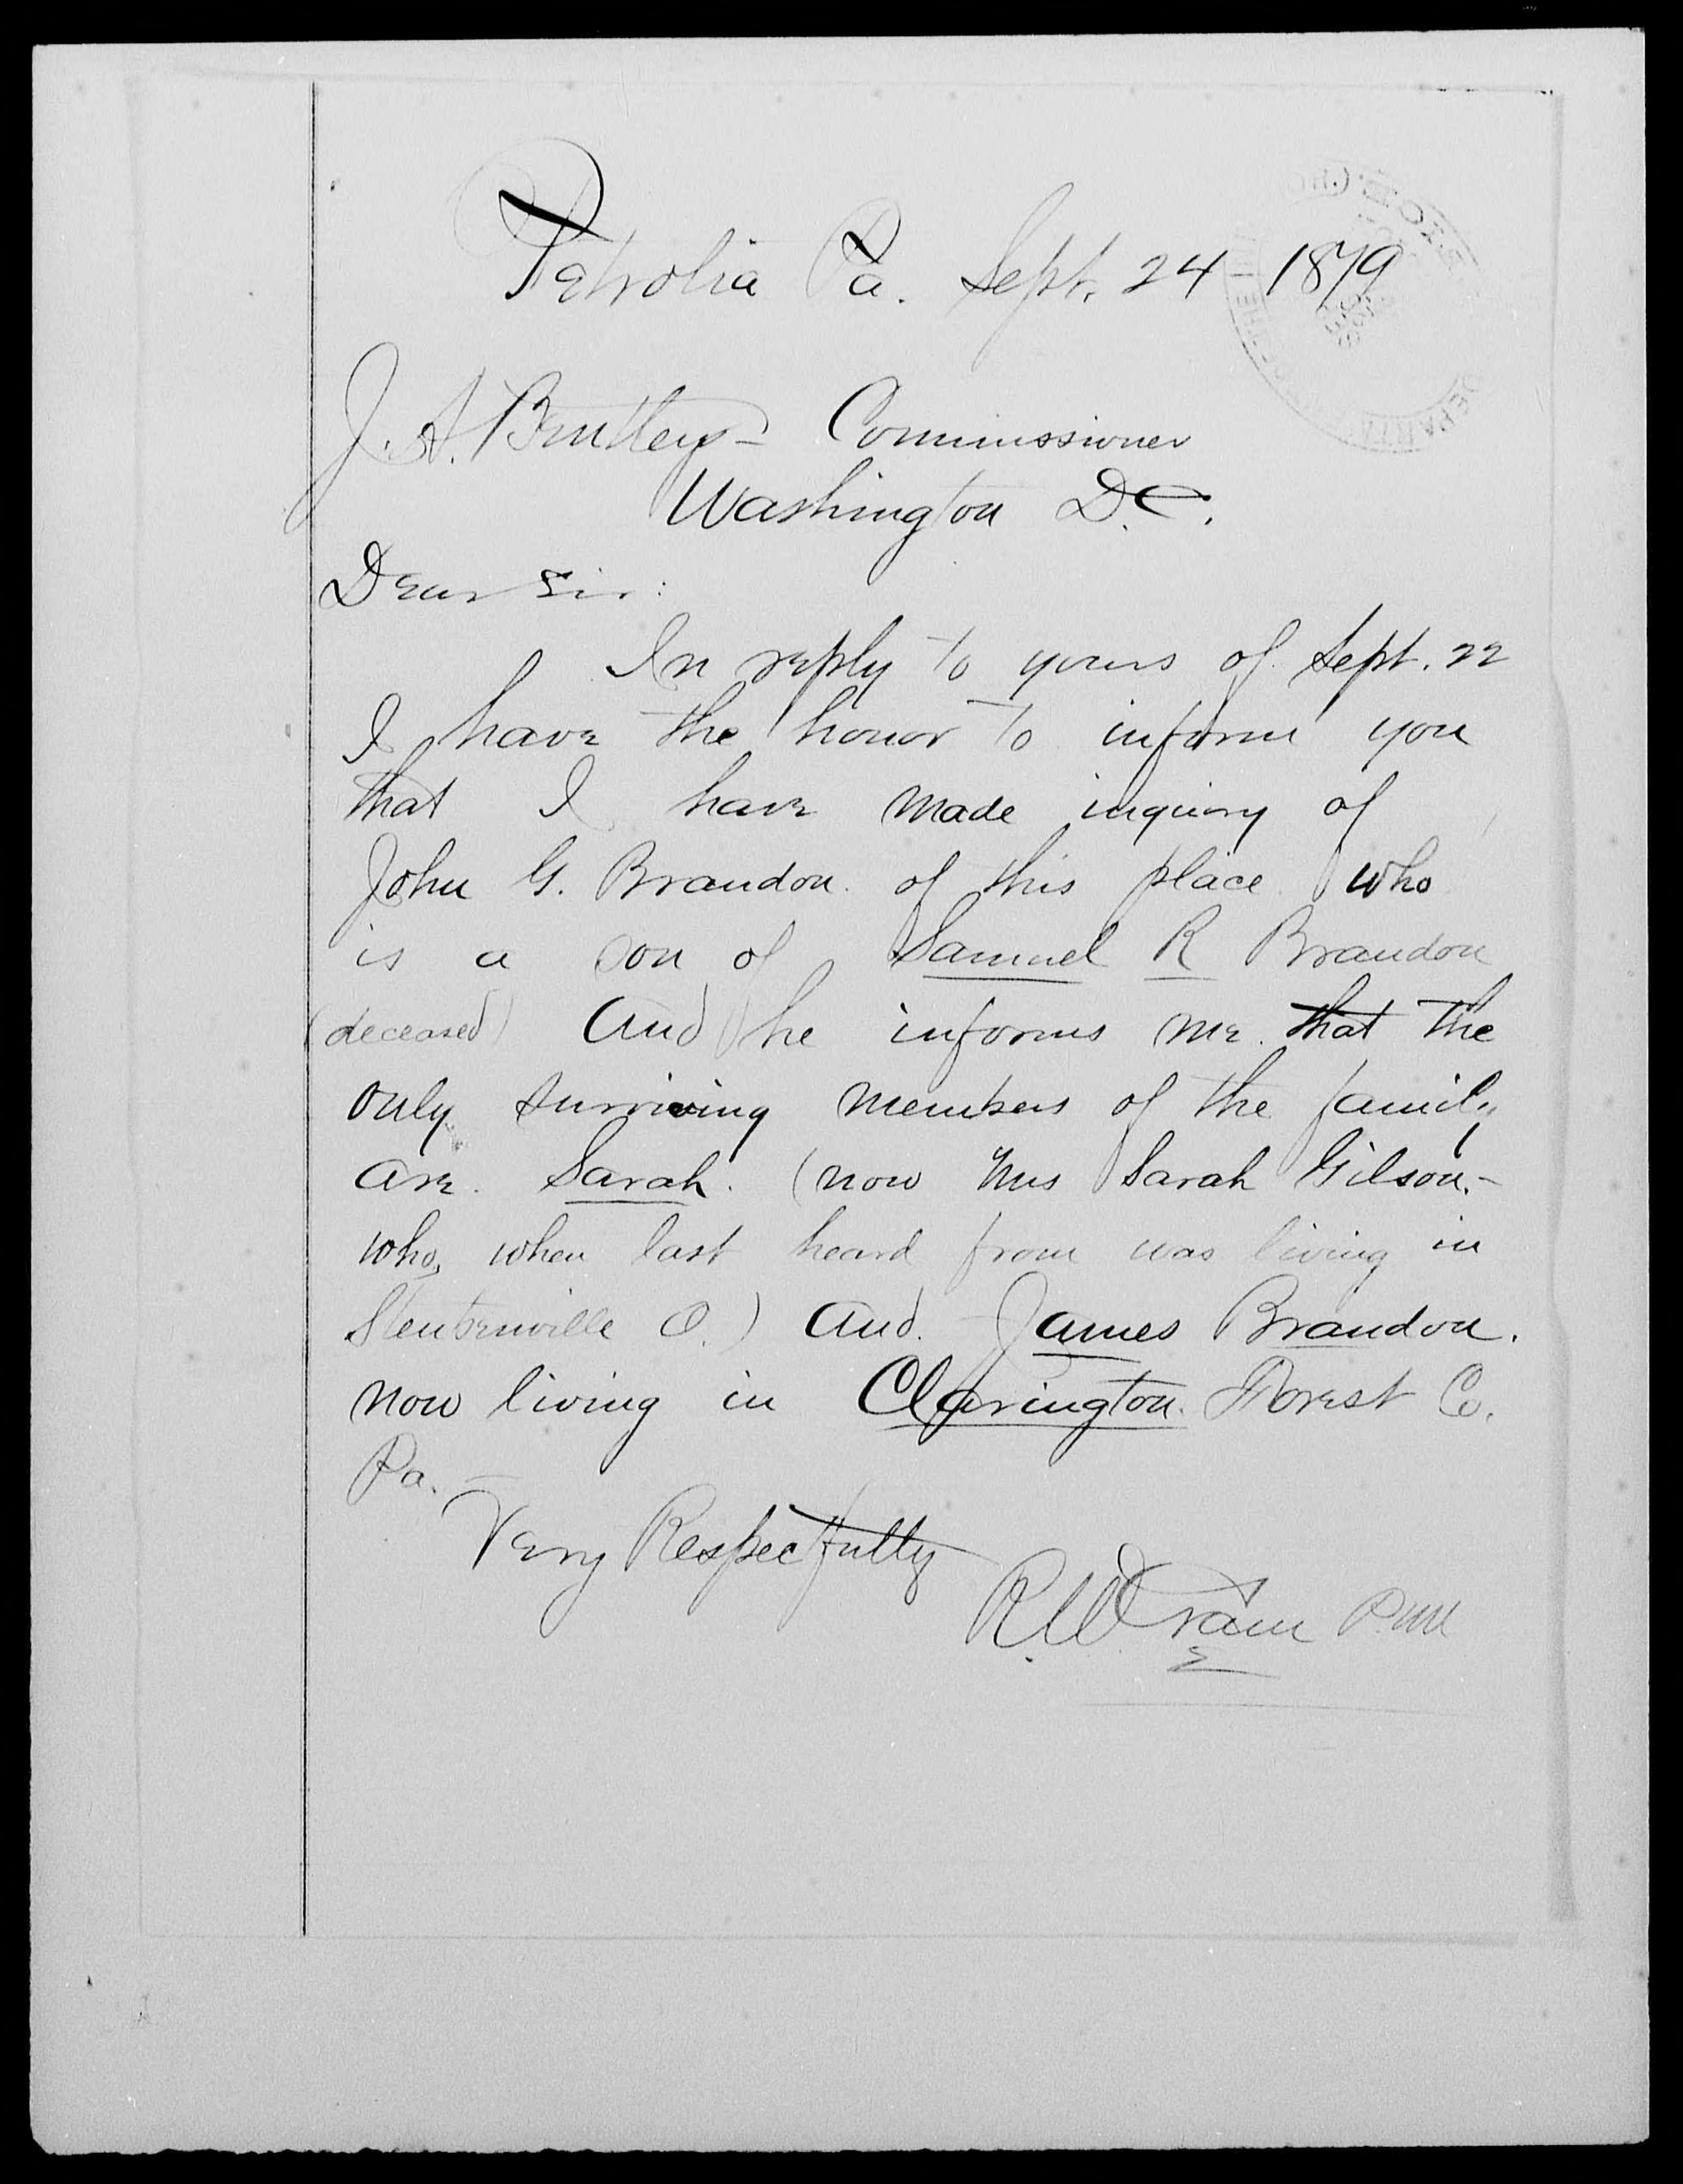Petrolia Pa. Sept. 24-1879

J.A. Bentley Commissioner
Washington D.C.
Dear Sir:
In reply to yours of Sept. 22 I have the honor to inform you that I have made inquiry of John G. Brandon of this place who is a son of Samuel R Brandon (deceased) and he informs me that the only surviving members of the family are Sarah (now Mrs Sarah Gilson, who, when last heard from was living in Steubenville O.) and James Brandon now living in Clarington, Forest Co. Pa.
Very Respectfully
RW Crane PM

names: John G Brandon, R W Crane, J A Bentley, Samuel R Brandon, James Brandon, Sarah Gilson, Sarah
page: 59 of 83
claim: widow's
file: W. 5946, John Brandon, Penn